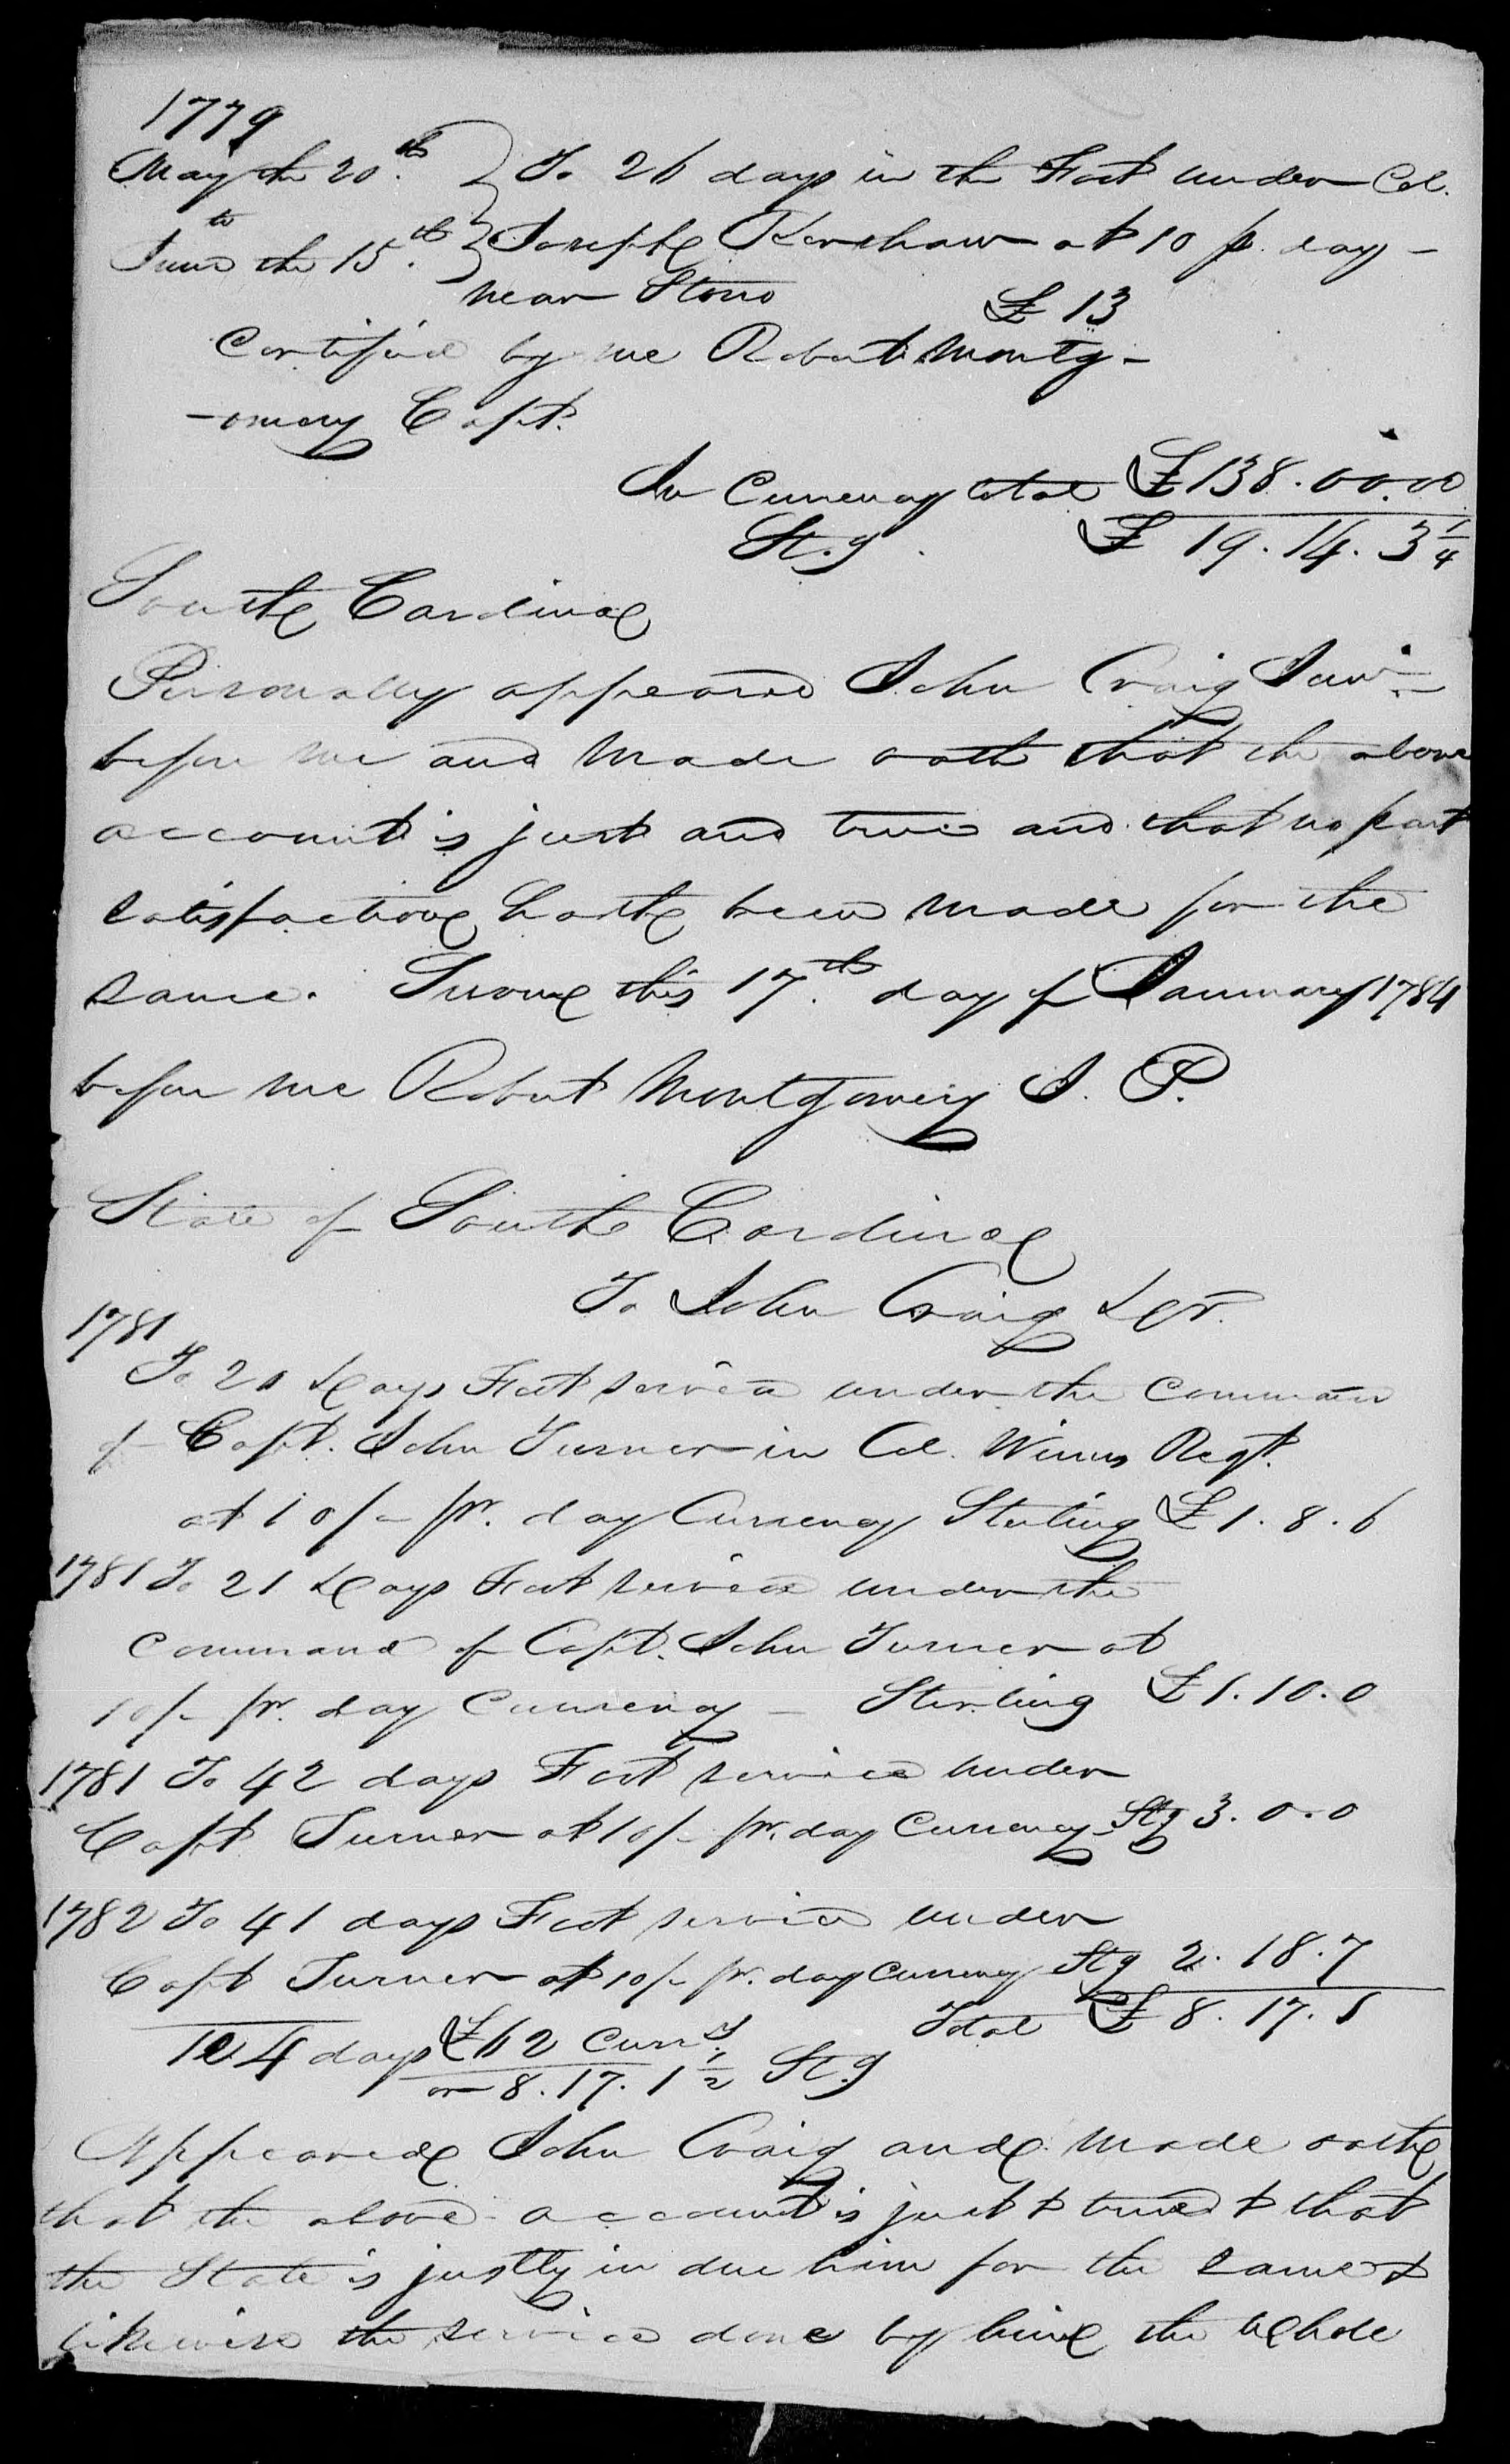1770
May the 20th to June the 15th}
26 days in the Fort under Col.
Joseph Kenshaw a $10  per day [illegible]
L [pound sterling} 13
Certified by me Robert Montgomery Capt.

In Currency total L 138.00.00
St.g. {sterling? L 19.14.3 1/4
South Carolina
Personally appeared John Caig [illegible]
before me and made oath that the above
account is just and true and that as part
satisfaction hath been made for the same.
Sworn this 17th day of January 1784
before me Robert Montgomery J. P.
State of South Carolina
To John Craig [illegible]
1781
To 20 Days Foot service under the command
of Capt. John Turner in Col. Wines Regt
at 10/per day Currency Sterling L1.8.6
1781 To 21 Days Foot service under the
command of Capt. John Turner at
10 p per day Currency
Sterling L1.10.0
1781 To 42 days Foot service under
Capt Turner at 10 p per day Currency 
Stg 3.0.0
1781  To 41 days Foot service under
Capt Turner of 10 p per day currency
Stg. 2.18.7
Total L 8.17.1
124 days L 62 Currency on 8.17.1 1/2 Stg.

Appeared John Craig and made oath
of the above account is just & true & that
to State is justly in due him for the same &
likewise the service done by him the whole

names: Robert Montgomery, Joseph Kersham, John Turner, Turner, John Craig, John Craig, John Craig, Turner, Robert Montgomery, John Turner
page: 36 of 55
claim: widow's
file: W. 22864, John Craig, S.C. Born In Iceland